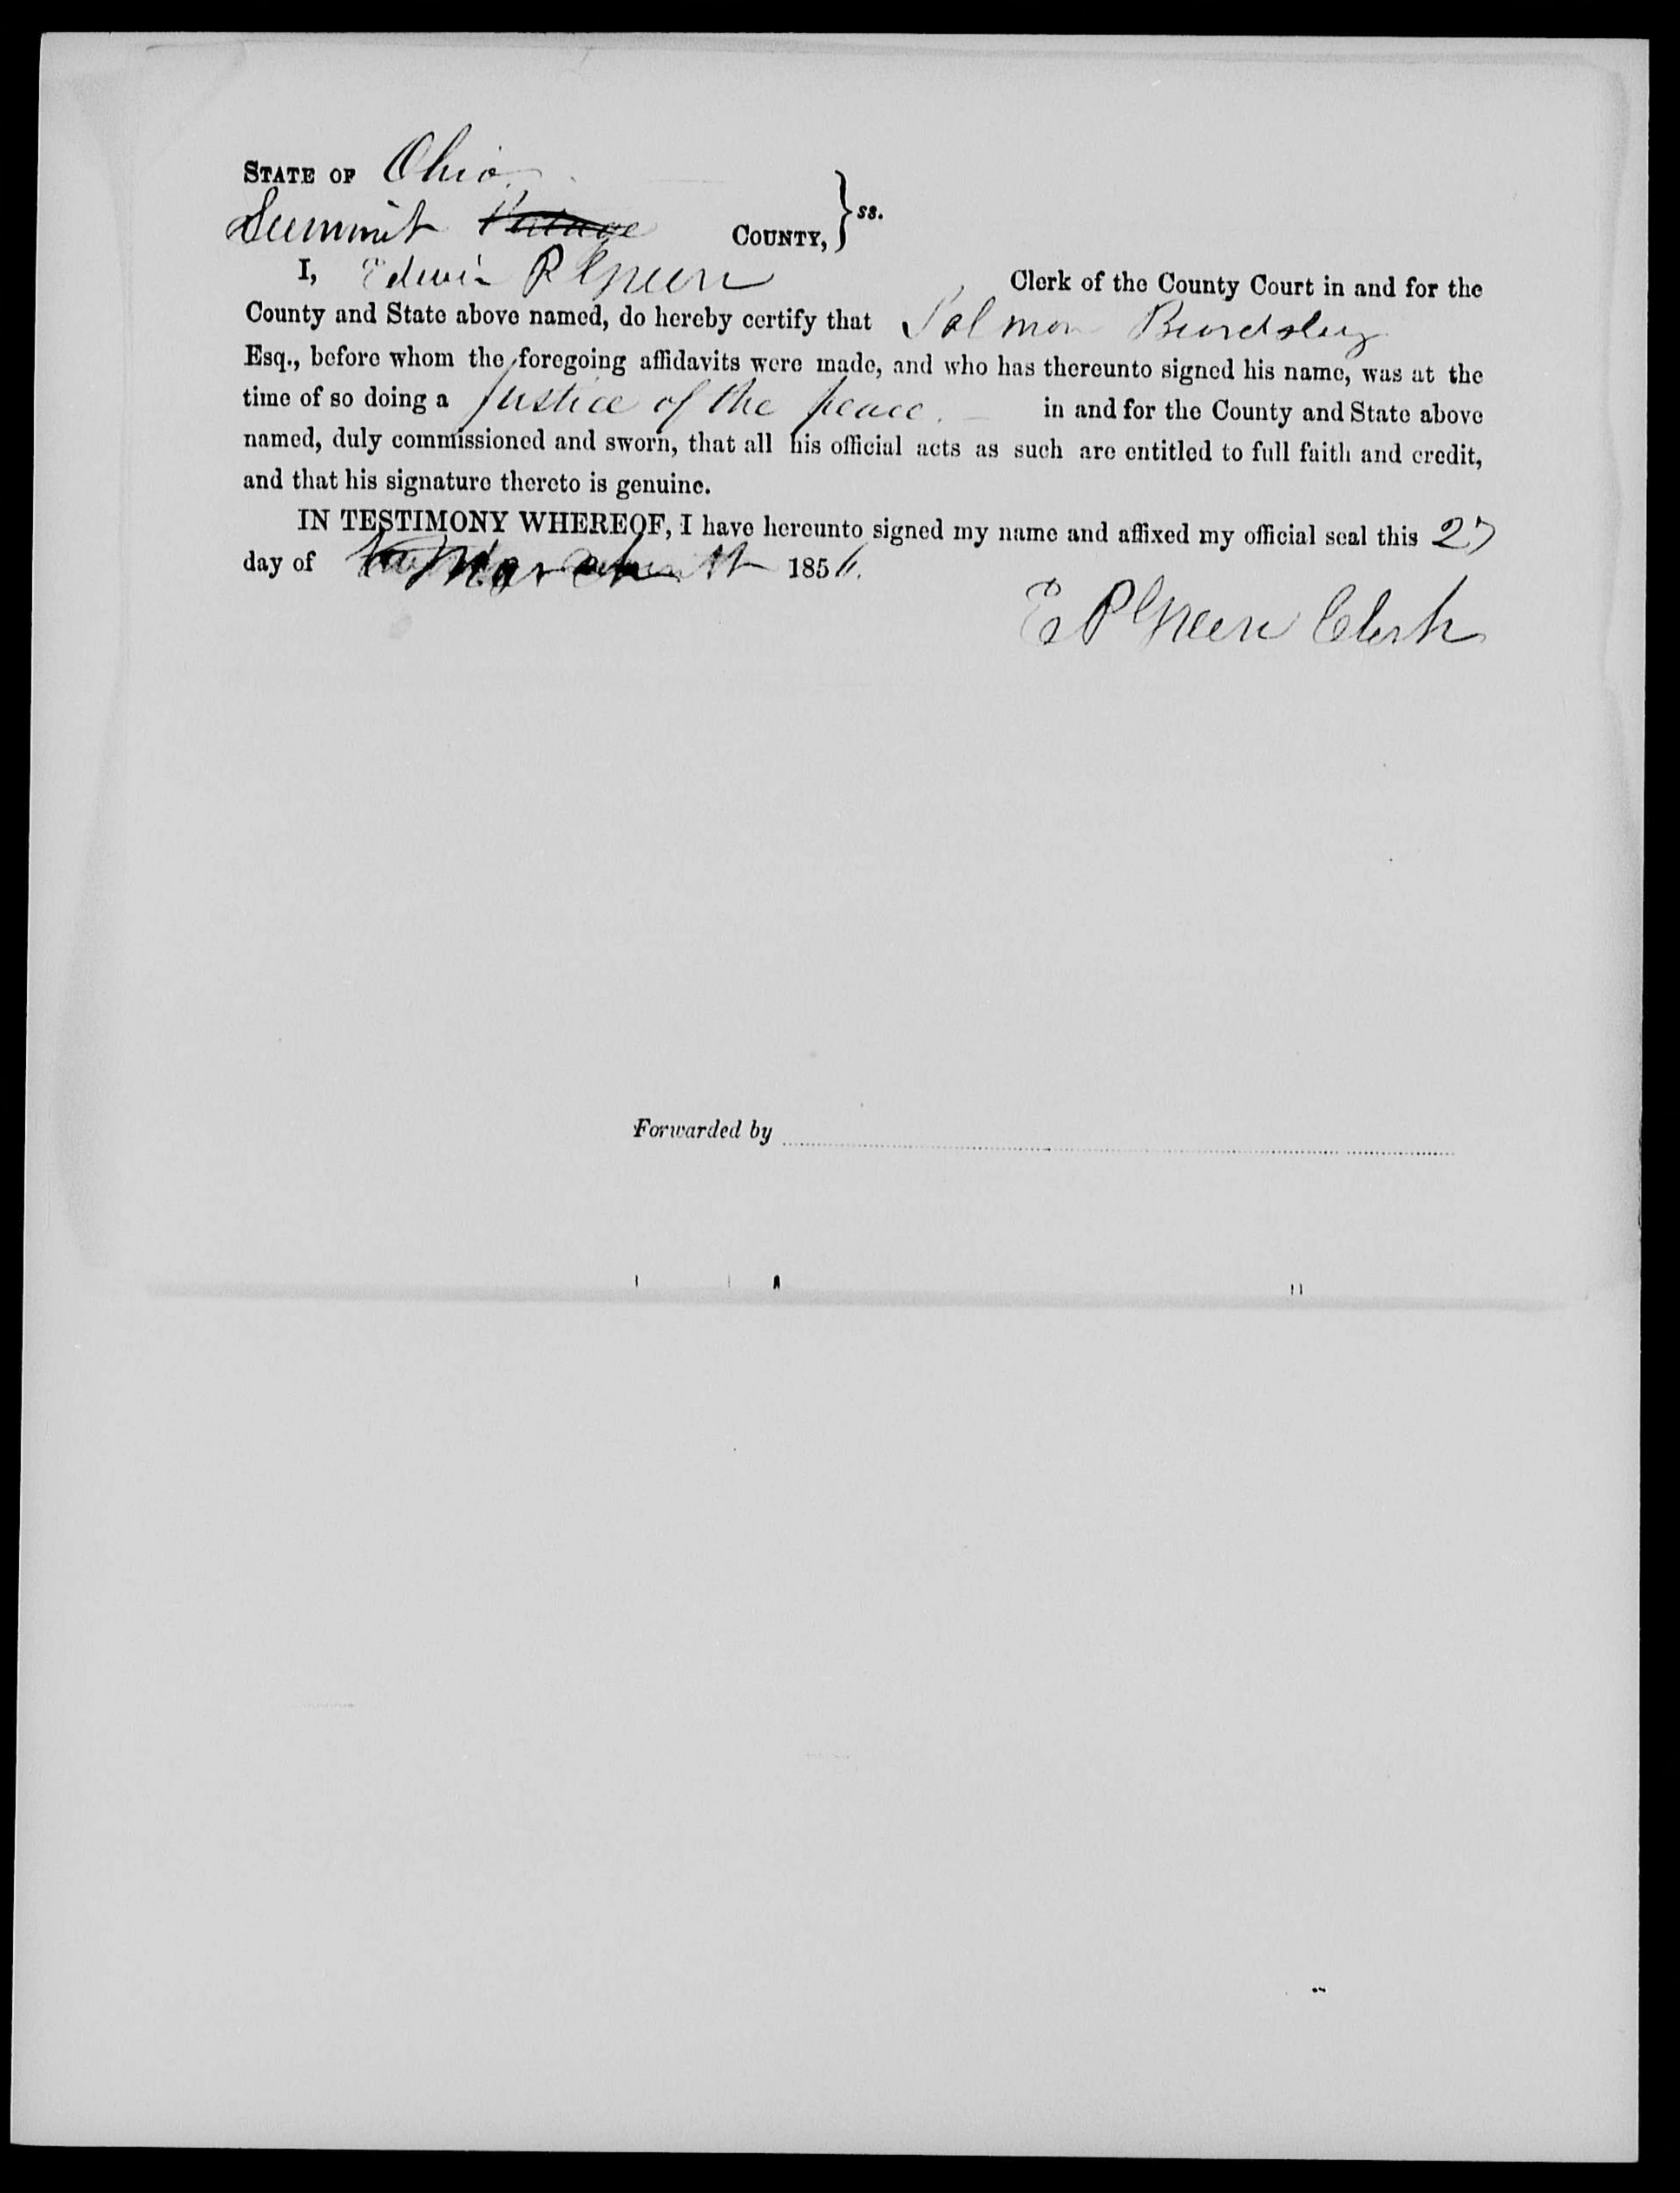STATE OF Ohio }
Summit County } ss

I, Edwin P Green Clerk of the County Court in and for the County and State above named, do hereby certify that Salmon Beardsley Esq., before whom the foregoing affidavits were made, and who has thereunto signed his name, was at the time of so doing a Justice of the peace in and for the County and State above
named, duly commissioned and sworn, that all his official acts as such are entitled to full faith and credit, and that his signature thereto is genuine.

IN TESTIMONY WHEREOF, I have hereunto signed my name and affixed my official seal this 27 day of March 1856.

E.P. Green Clerk [signature]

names: E P Green, Edwin P Green, Salmon Beardsley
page: 17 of 76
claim: widow's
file: W. 9345, Joseph Bartholomew, Conn.